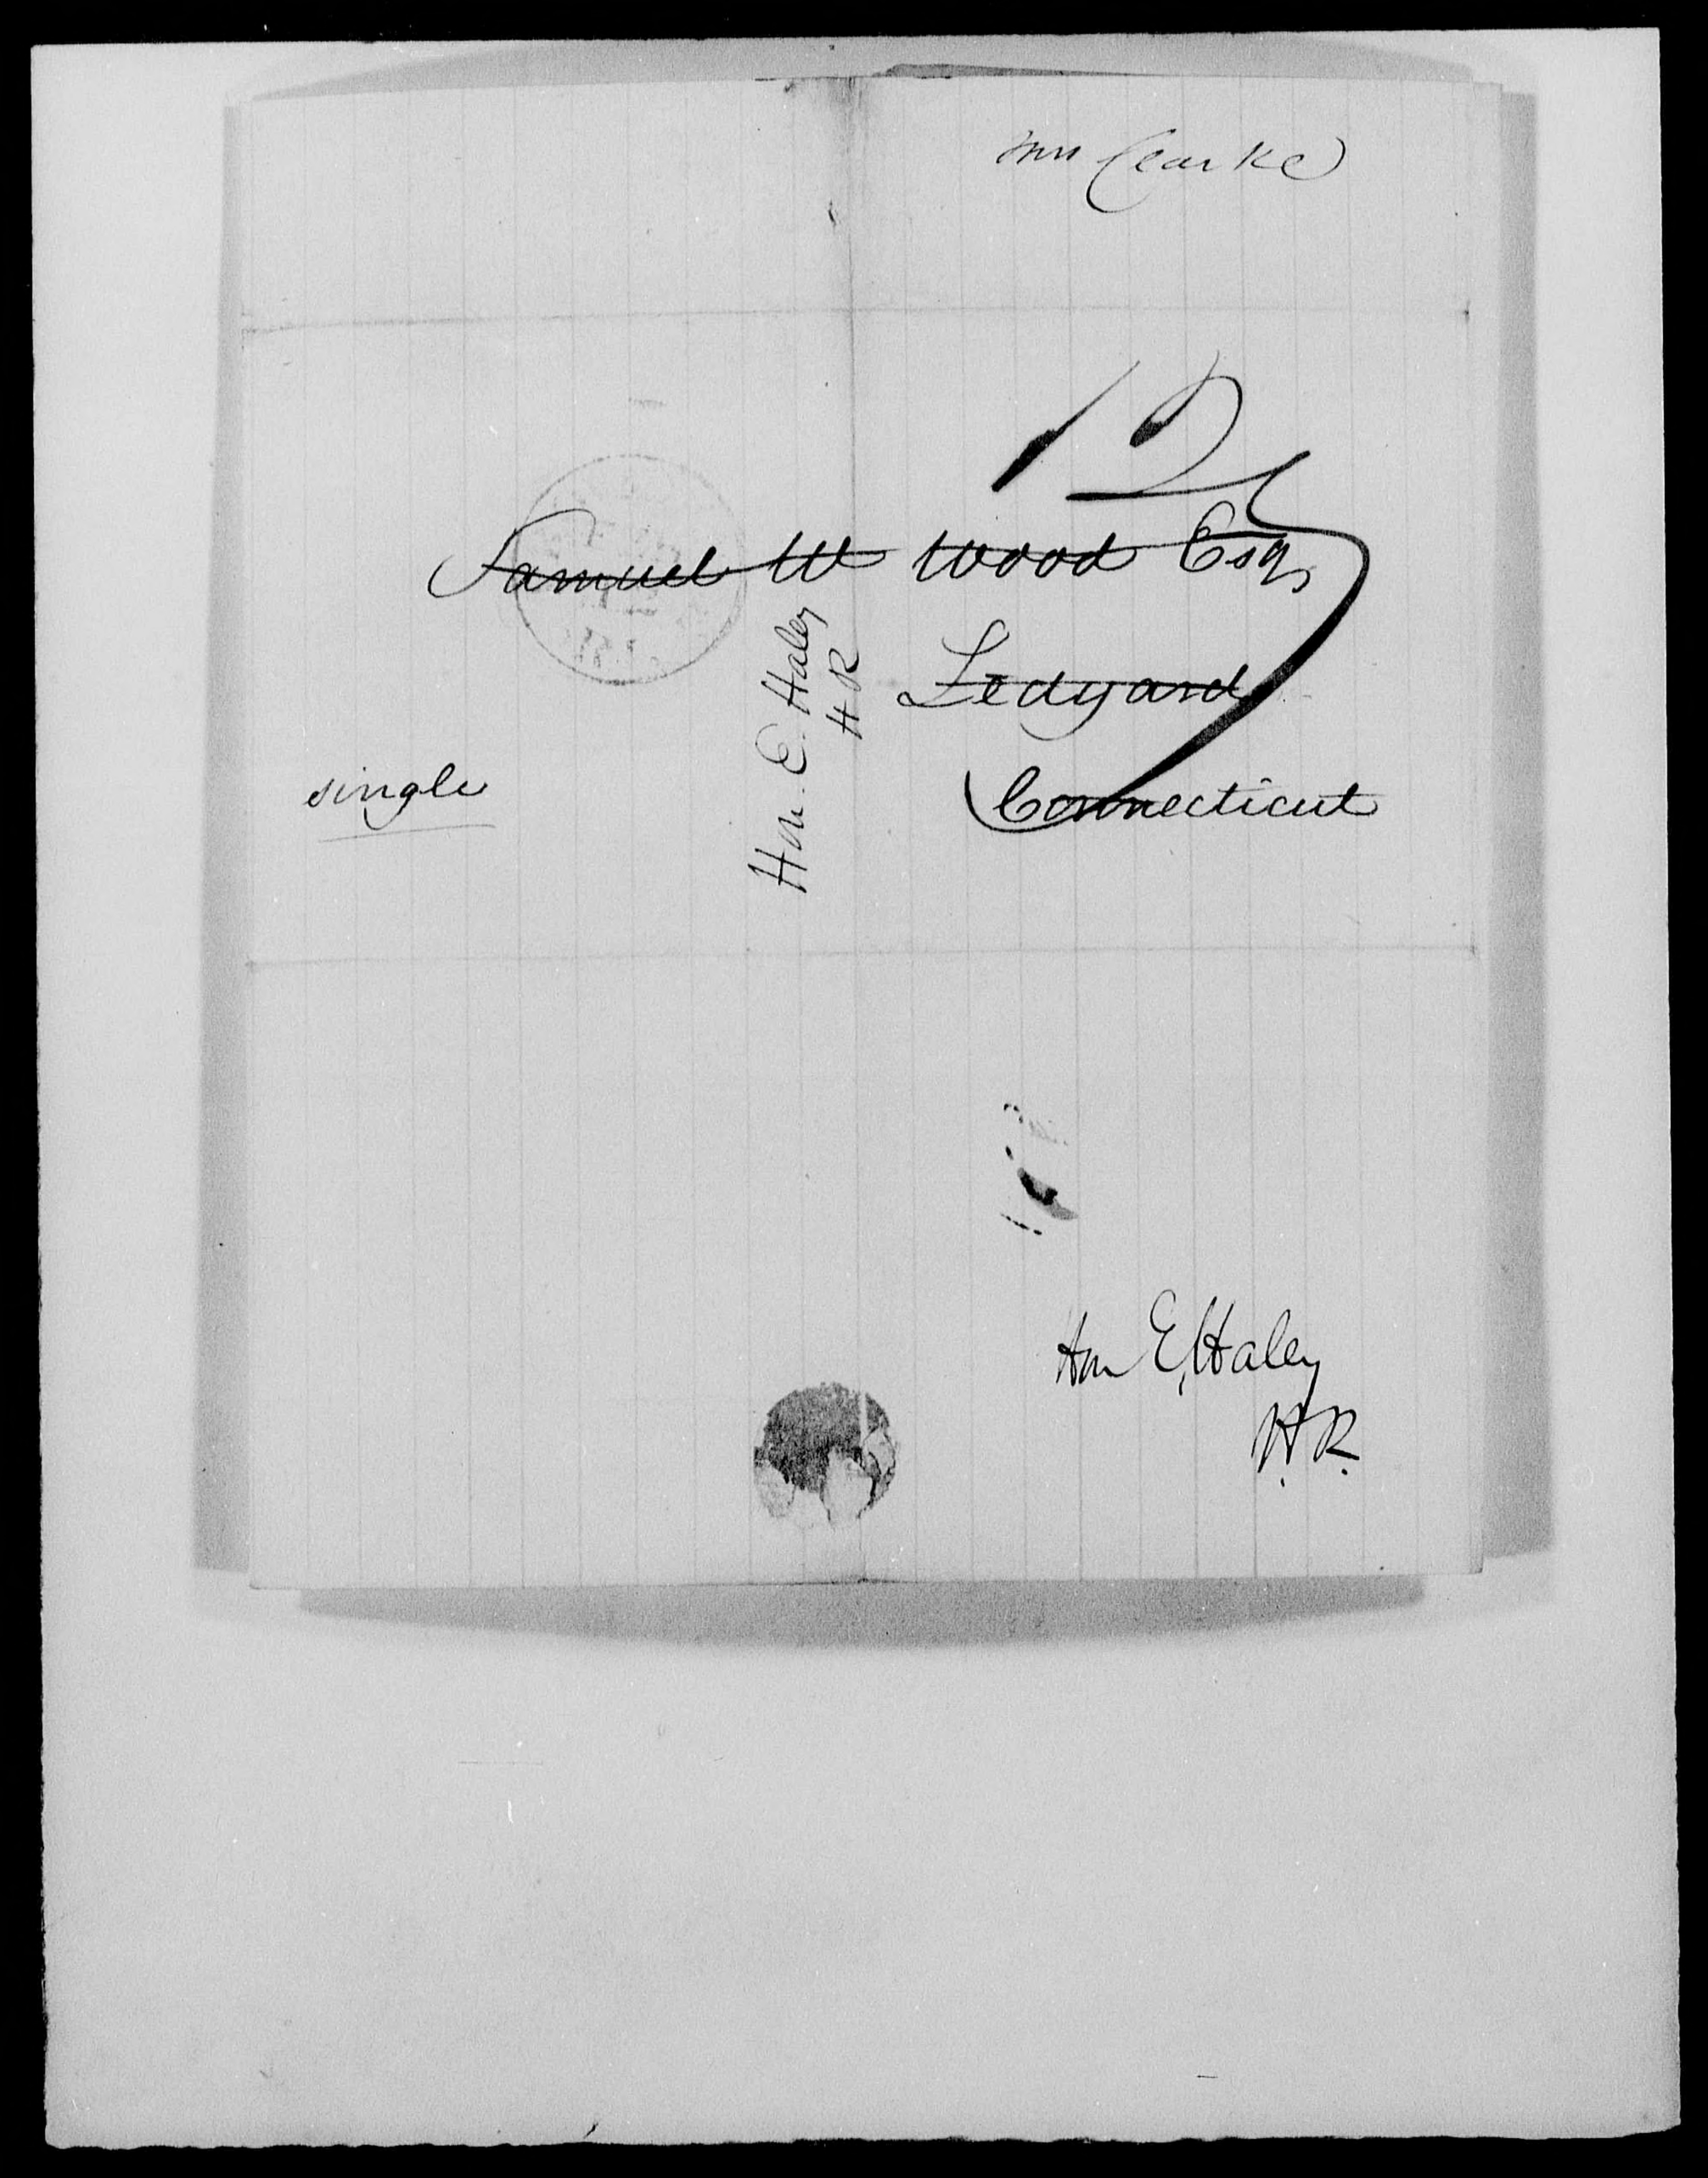Mrs. Clarke
12

Hon. E. Haley

[illegible] E. Haley H.R.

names: Clarke, E Haley, E Haley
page: 25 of 48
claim: widow's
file: W. 17,628, Arnold Clarke, R.I.